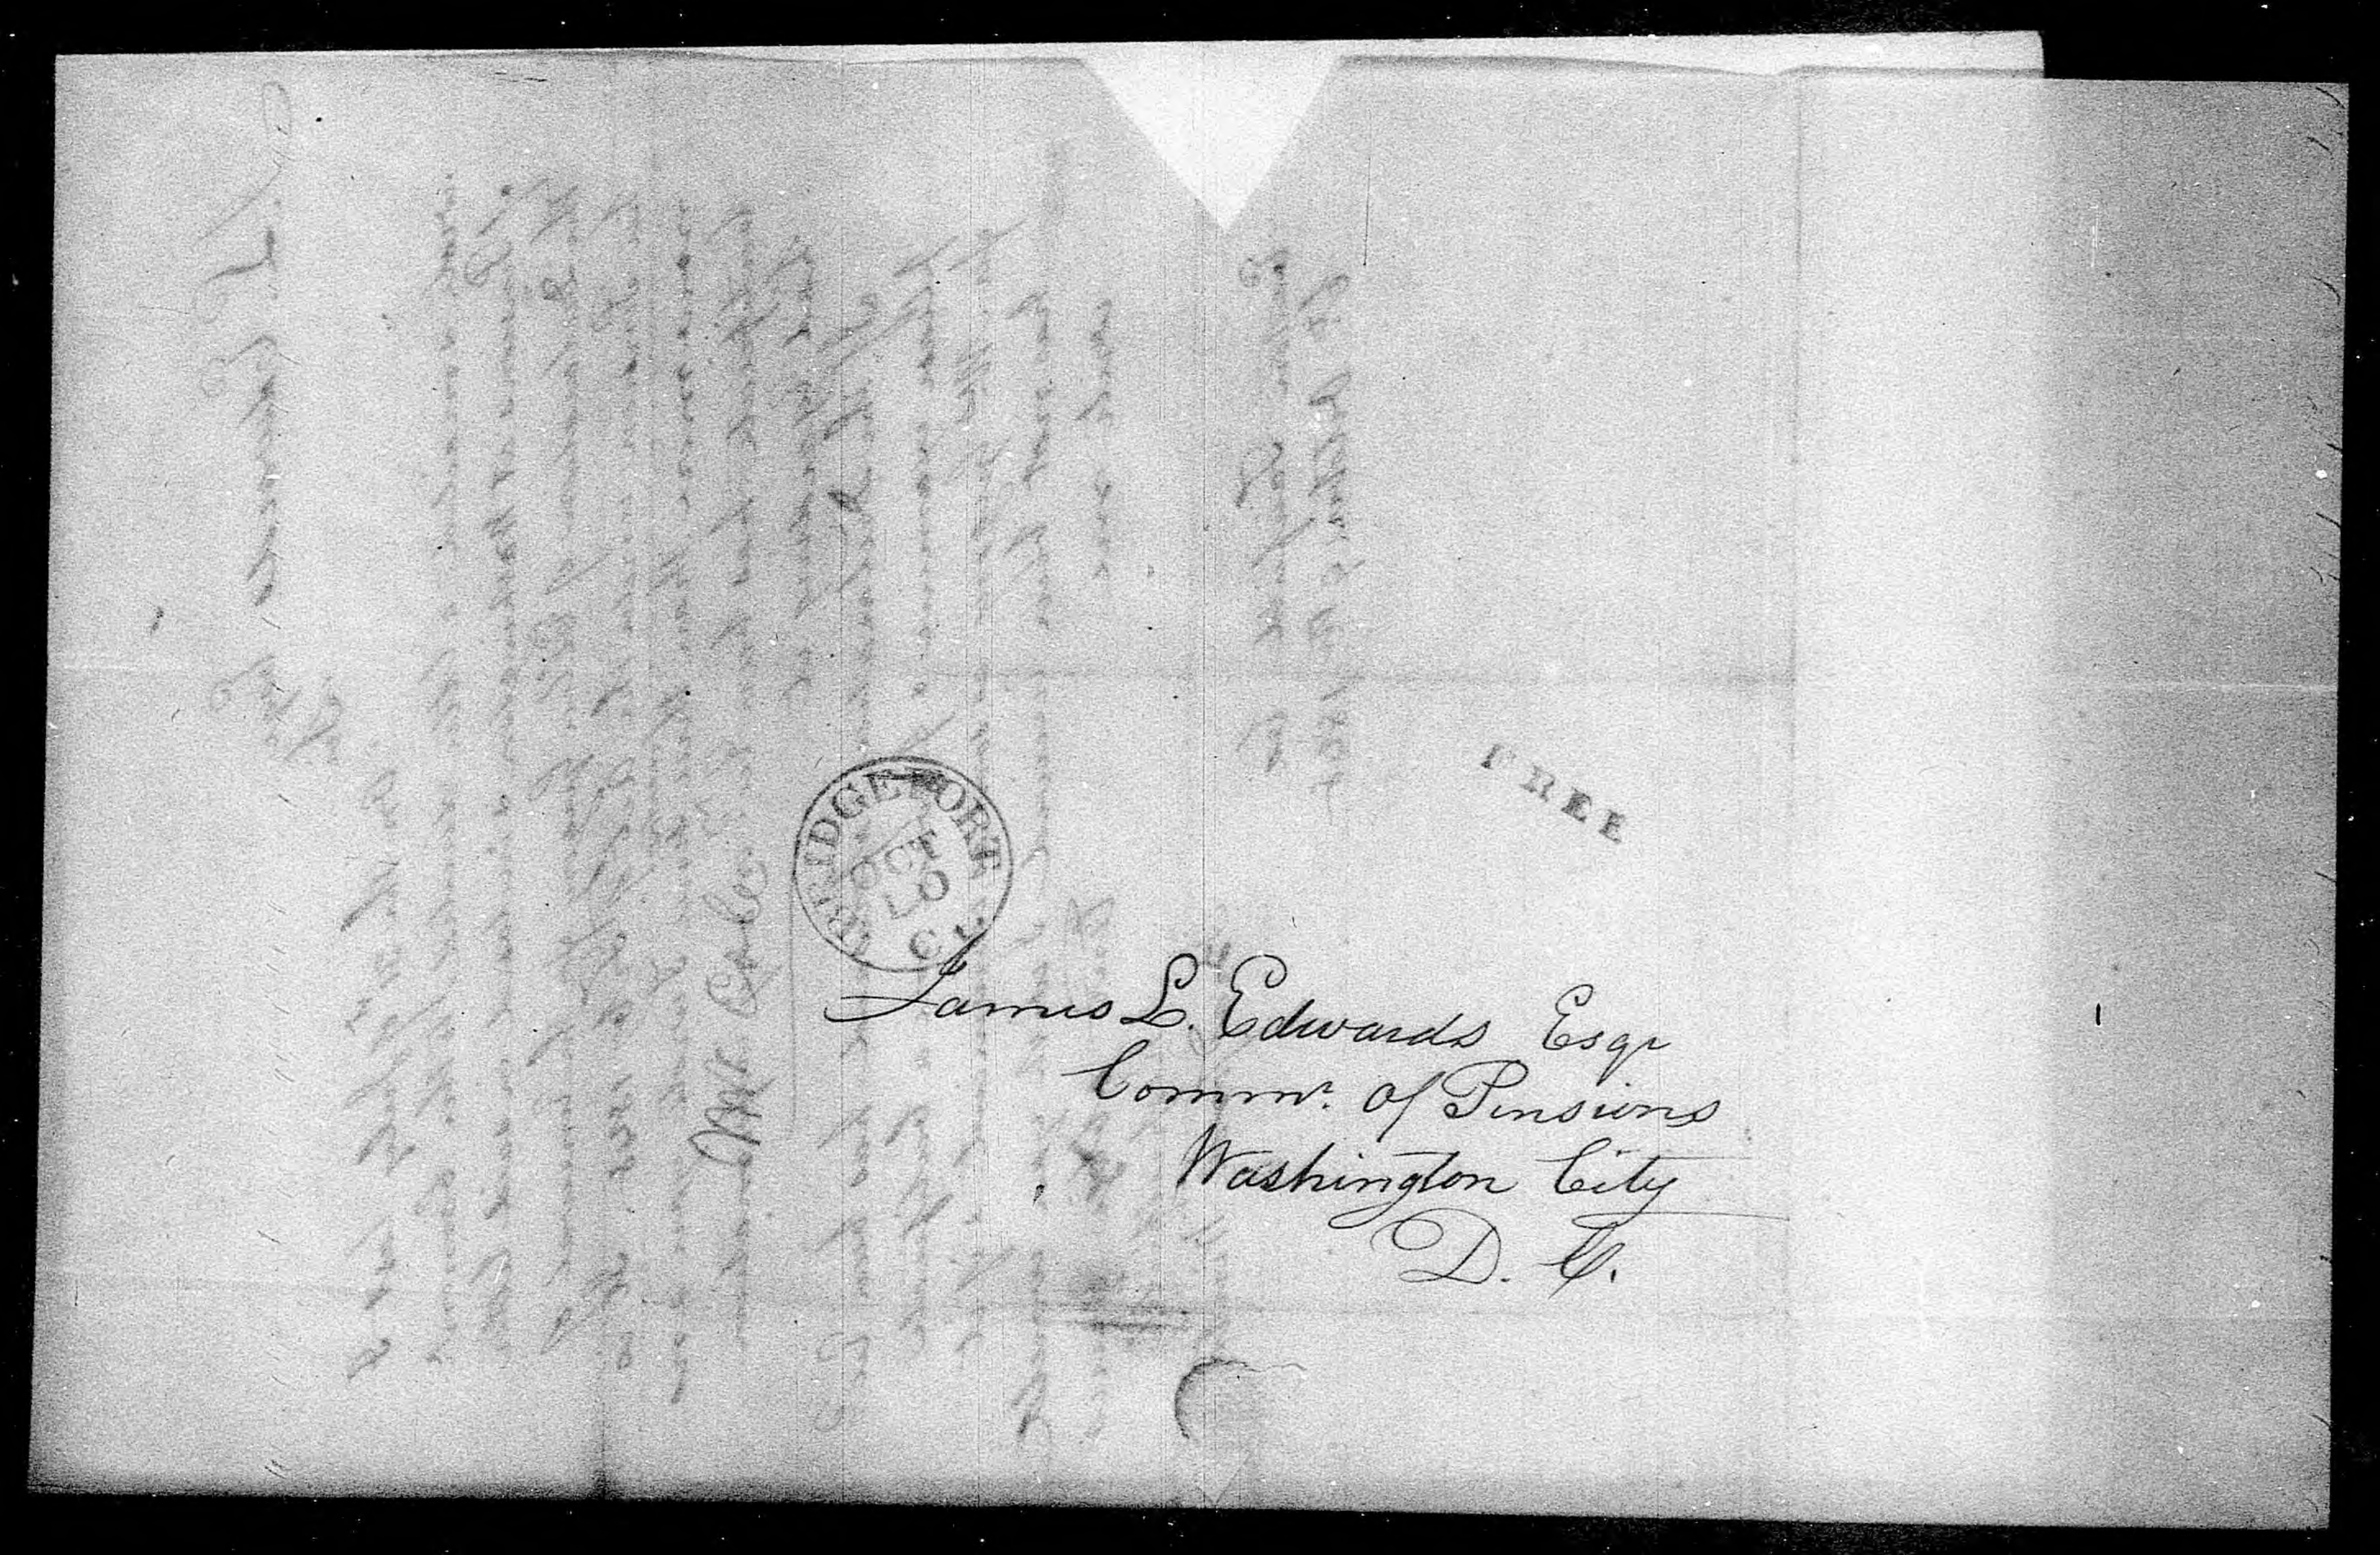FREE

[Postmark}        BRIDGEPORT
                               OCT
                                LO
                               Ct.

    James L. Edwards
             Commr. of Pensions
                    Washington City
                                    D.C.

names: James L Edwards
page: 34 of 49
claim: widow's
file: W 24308, Josiah Gregory, Conn.